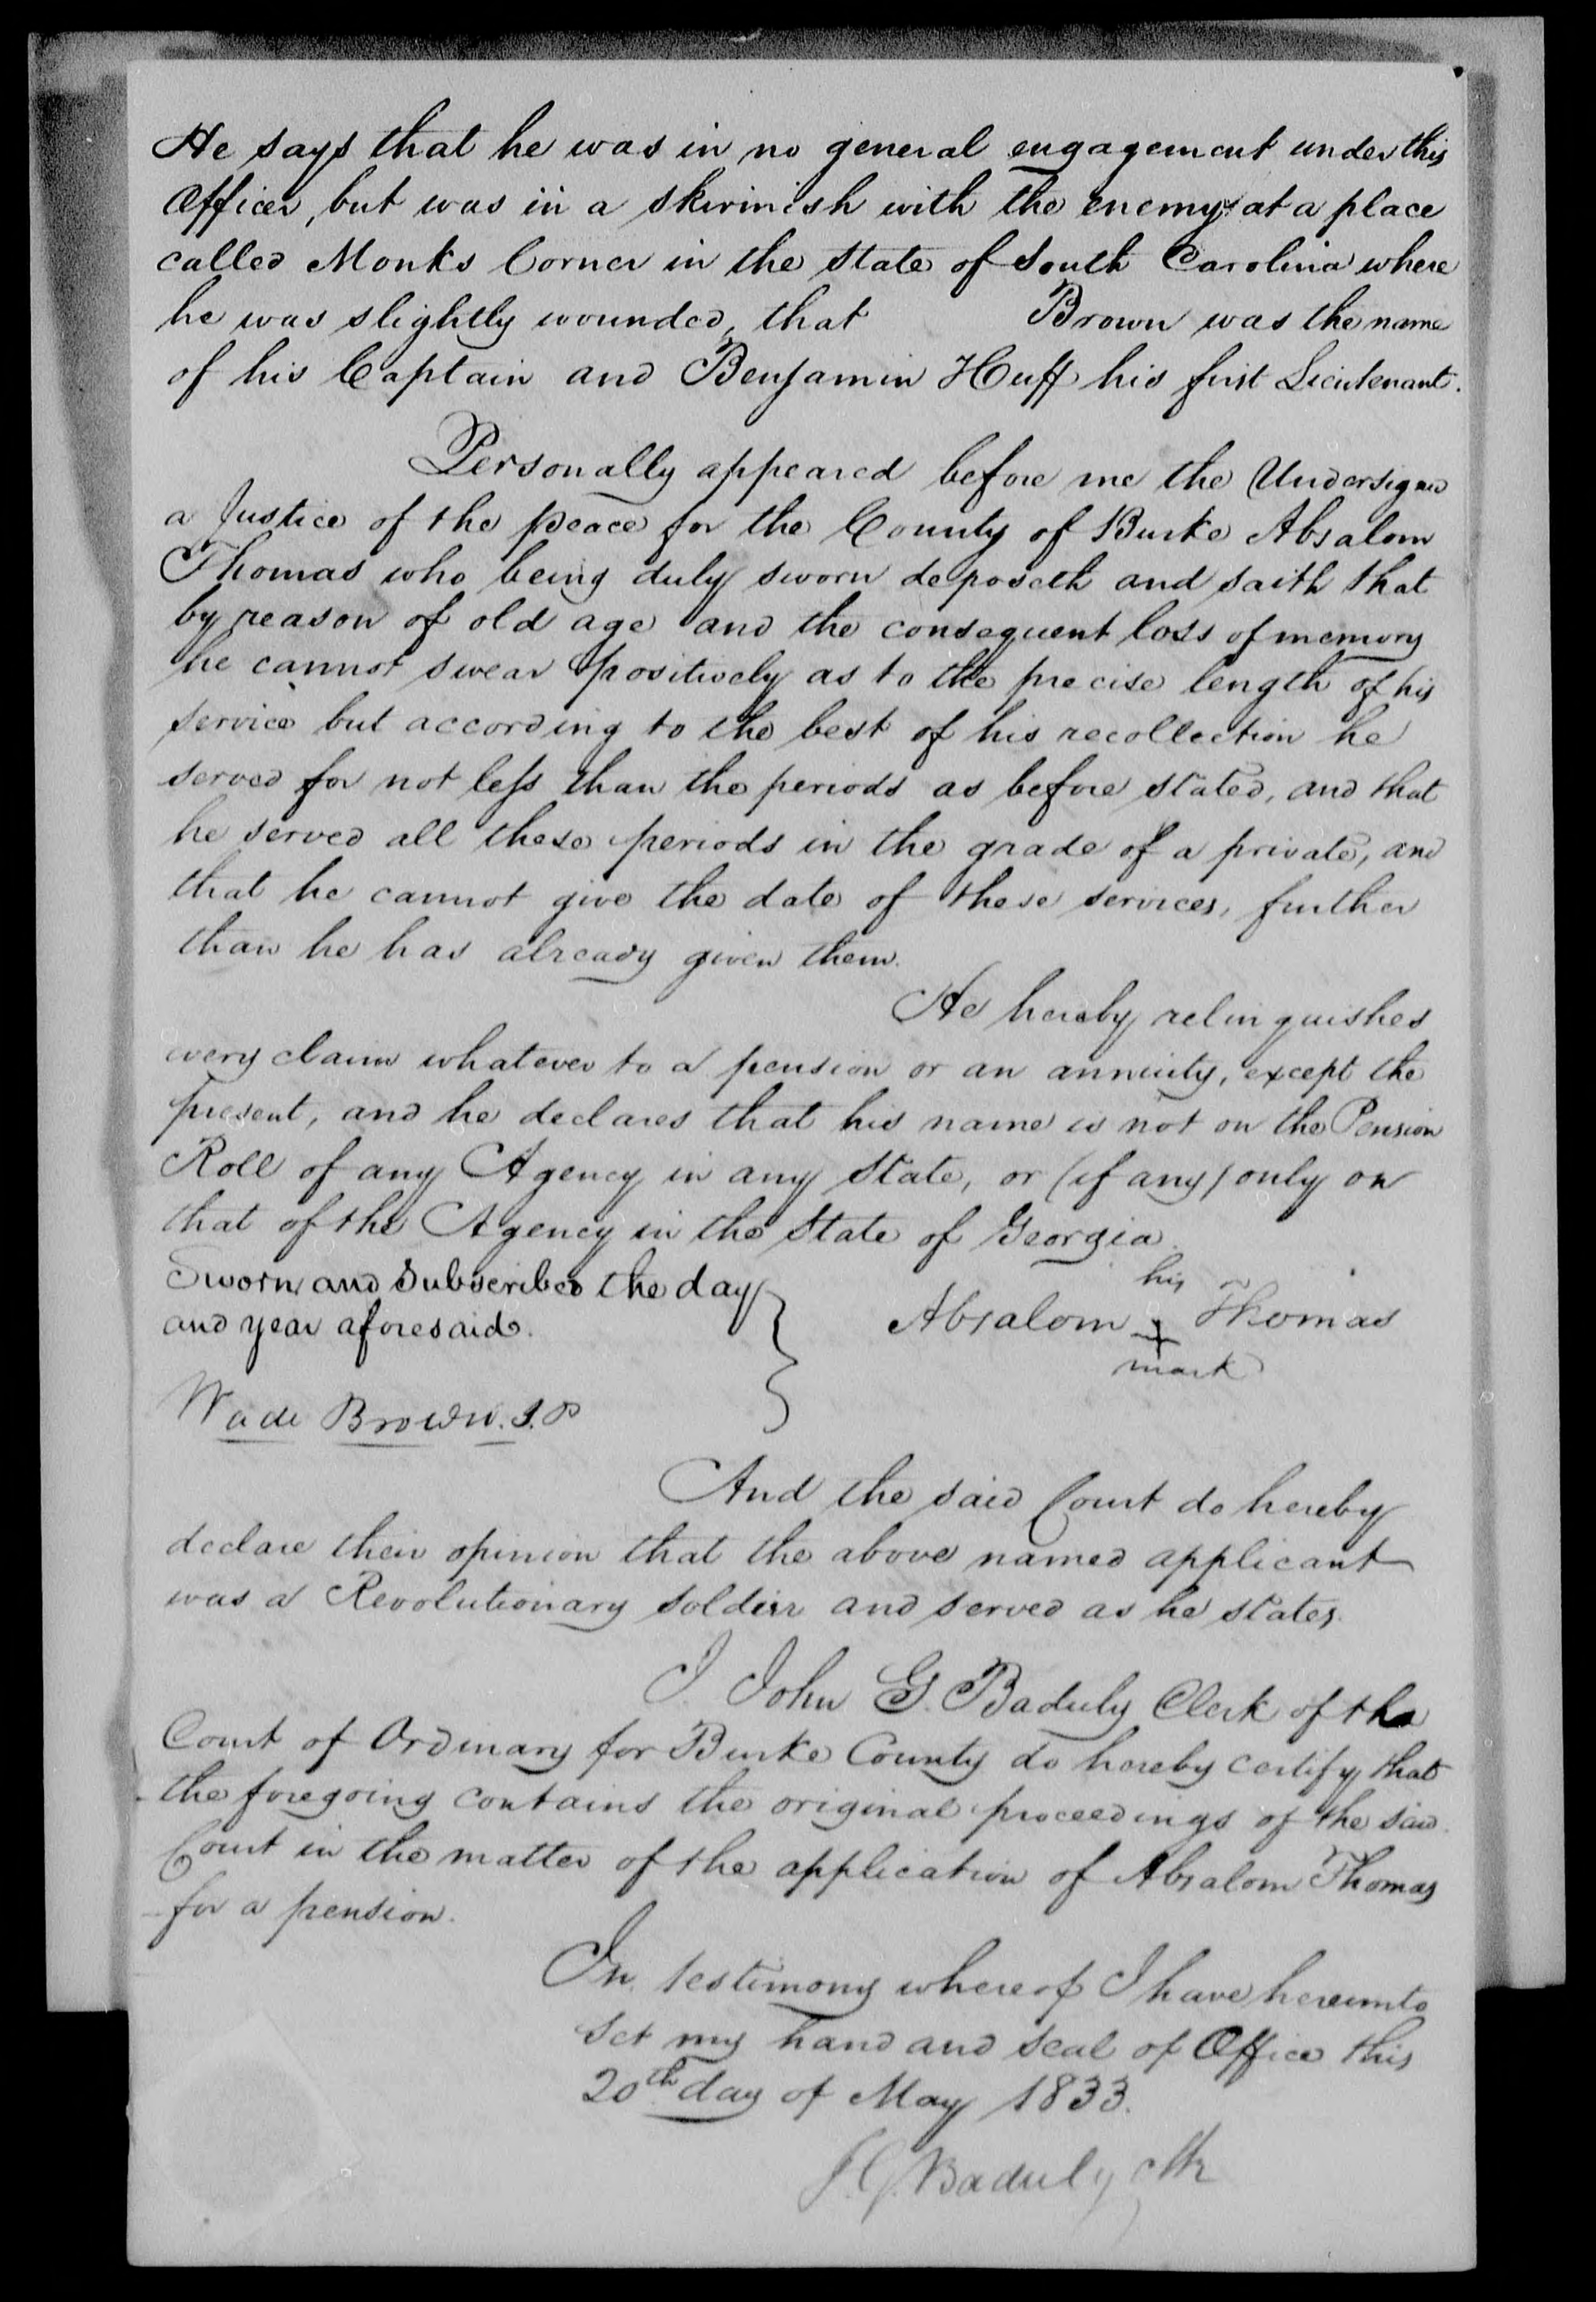He says that he was in no general engagement under this Officer, but was in a skirmish with the enemy at a place called Monks Corner in the State of South Carolina when he was slightly wounded, that [blank space] Brown was the name of his Captain and Benjamin Huff his first Lieutenant.
Personally appeared before me the Undersigned a Justice of the peace for the County of Burke Absalom Thomas who being duly sworn deposeth and saith that by reason of old age and the consequent loss of memory he cannot swear positively as to the precise length of his service but according to the best of his recollection he served for not less than the periods as before stated, and that he served all these periods in the grade of a private, and that he cannot give the date of these services further than he has already given them.
He hereby relinquishes every claim whatever to a pension or an annuity, except the present, and he declares that his name is not on the Pension Roll of any Agency in any State, or (if any) only on that of the Agency in the State of  Georgia.
his 
Absalom X Thomas
mark
Sworn and Subscribed the day and year aforesaid.
Wade Brown, J.P
And the said Court do hereby declare their opinion that the above named applicant was a Revolutionary Soldier and served as he states.
I John G. Baduly Clerk of the Court of Ordinary for Burke County do hereby certify that the foregoing contains the original proceedings of the said Court in the matter of the application of Absalom Thomas for a pension.
In testimony whereof I have hereunto set my hand and seal of office this 20th day of May 1833.
J. G. Baduly, clk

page: 7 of 9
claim: rejected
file: R 10493, for Absalom Thomas, North Carolina